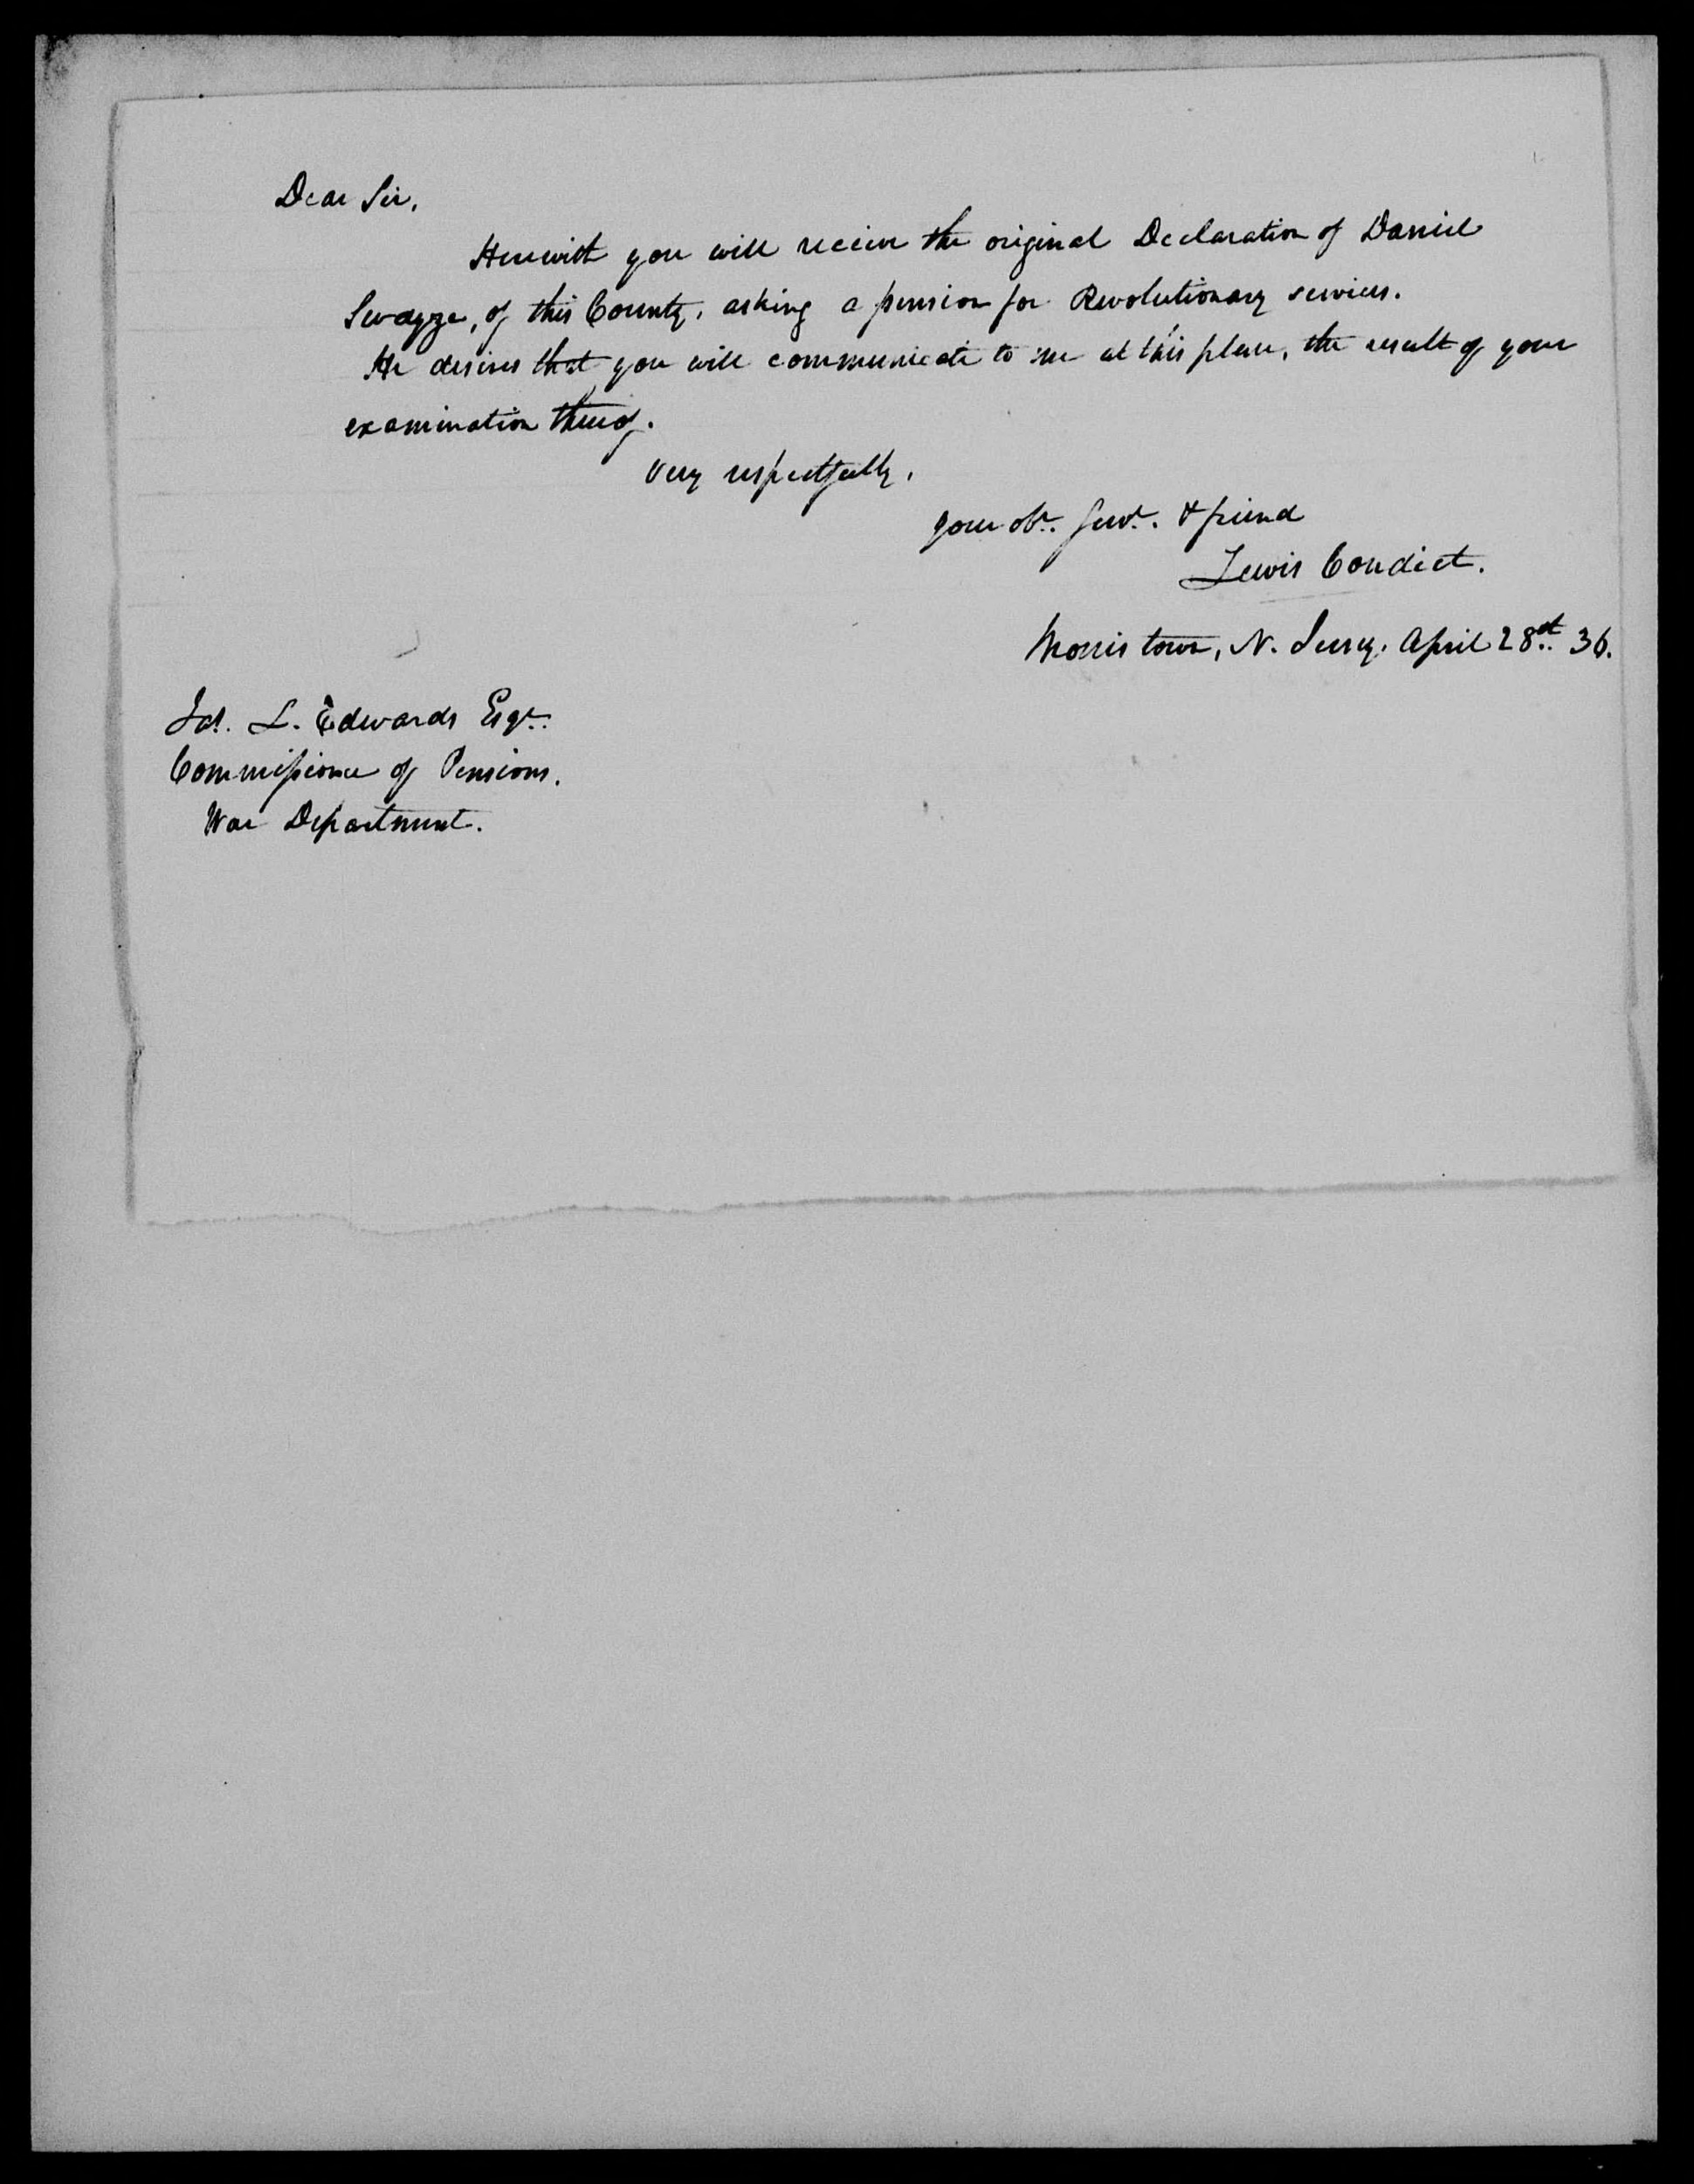Dear Sir, 
Herewith you will receive the orginal Declaration of Daniel Swayze, of this County, asking a pension for Revolutionary services.  he desires that you will communicate to me at this place, the result of your examination [illegible]
Very Respectfully, 
Your ofr [illegible] & friedn
Lewis Condict
Morristown, N Jersey April 28th 36
J. L Edwards Esq
Commissioner of Pensions
War Department.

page: 18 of 20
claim: survivor's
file: S. 4911, for Daniel Swayze, New Jersey